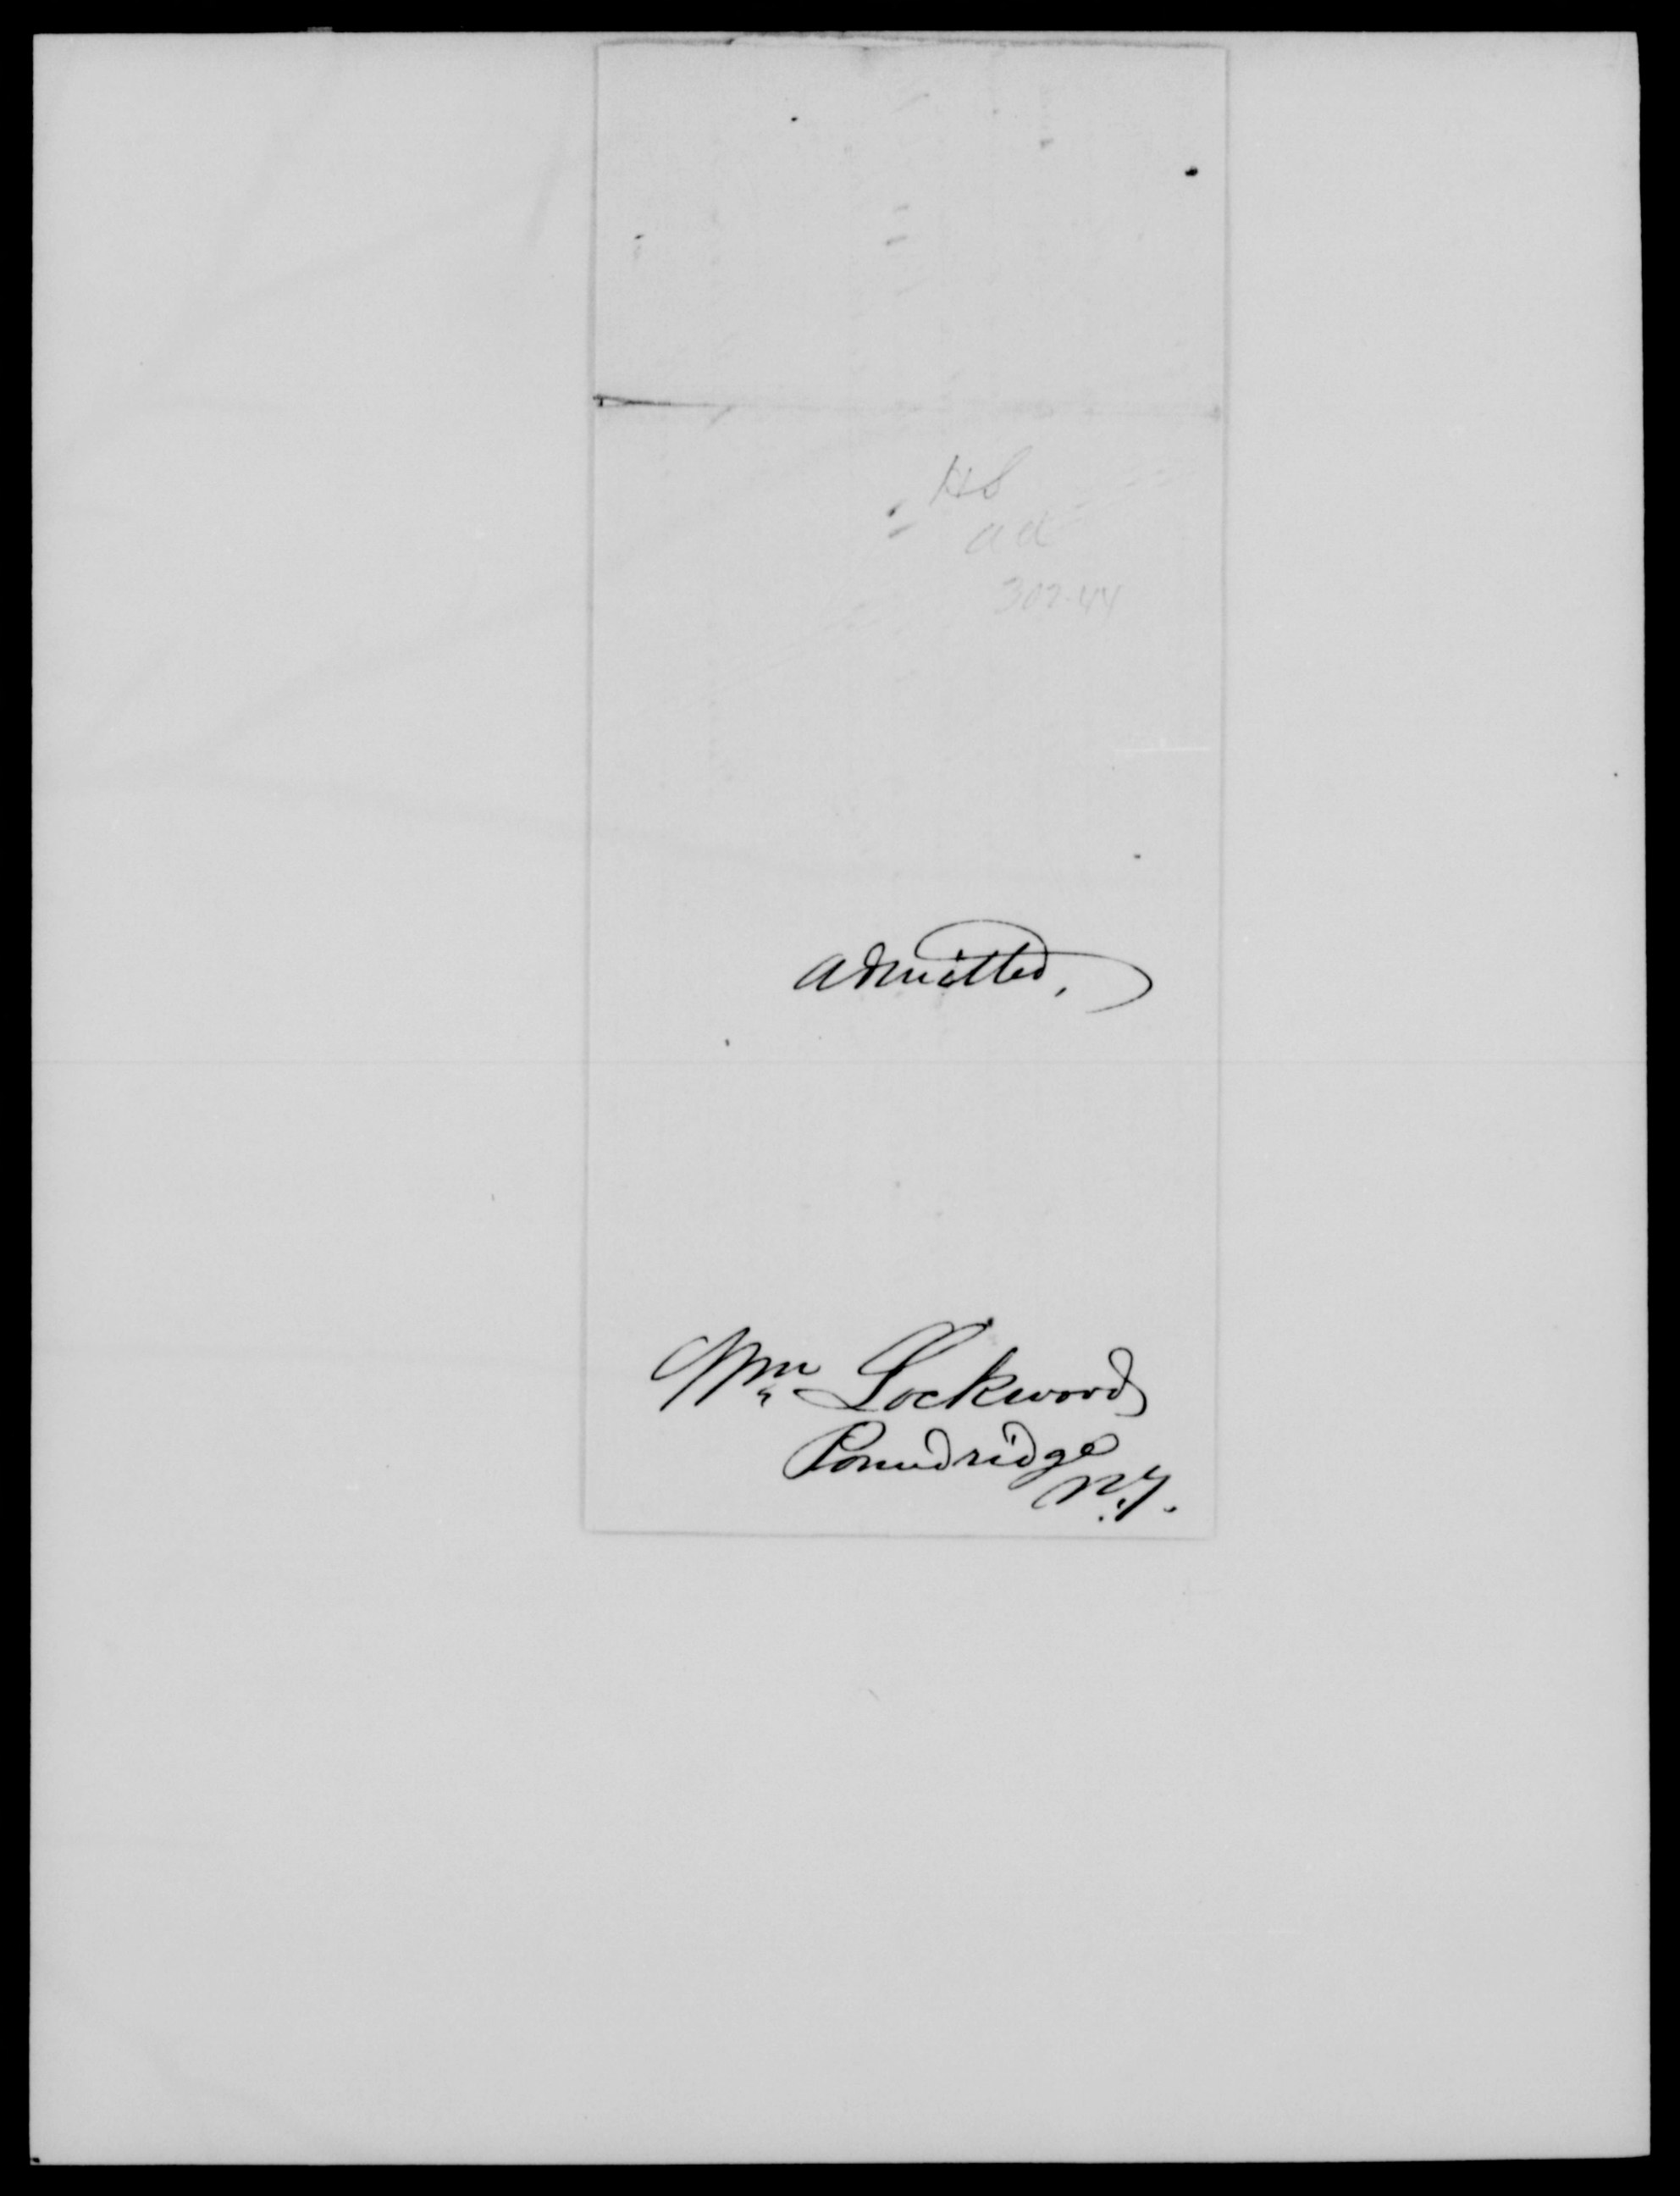HS
Ad
30244
Admitted
Wm. Lockwood
Poundridge N. Y.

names: Wm Lockwood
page: 65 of 87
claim: widow's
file: W. 22,226, for Nathan Slawson, Connecticut